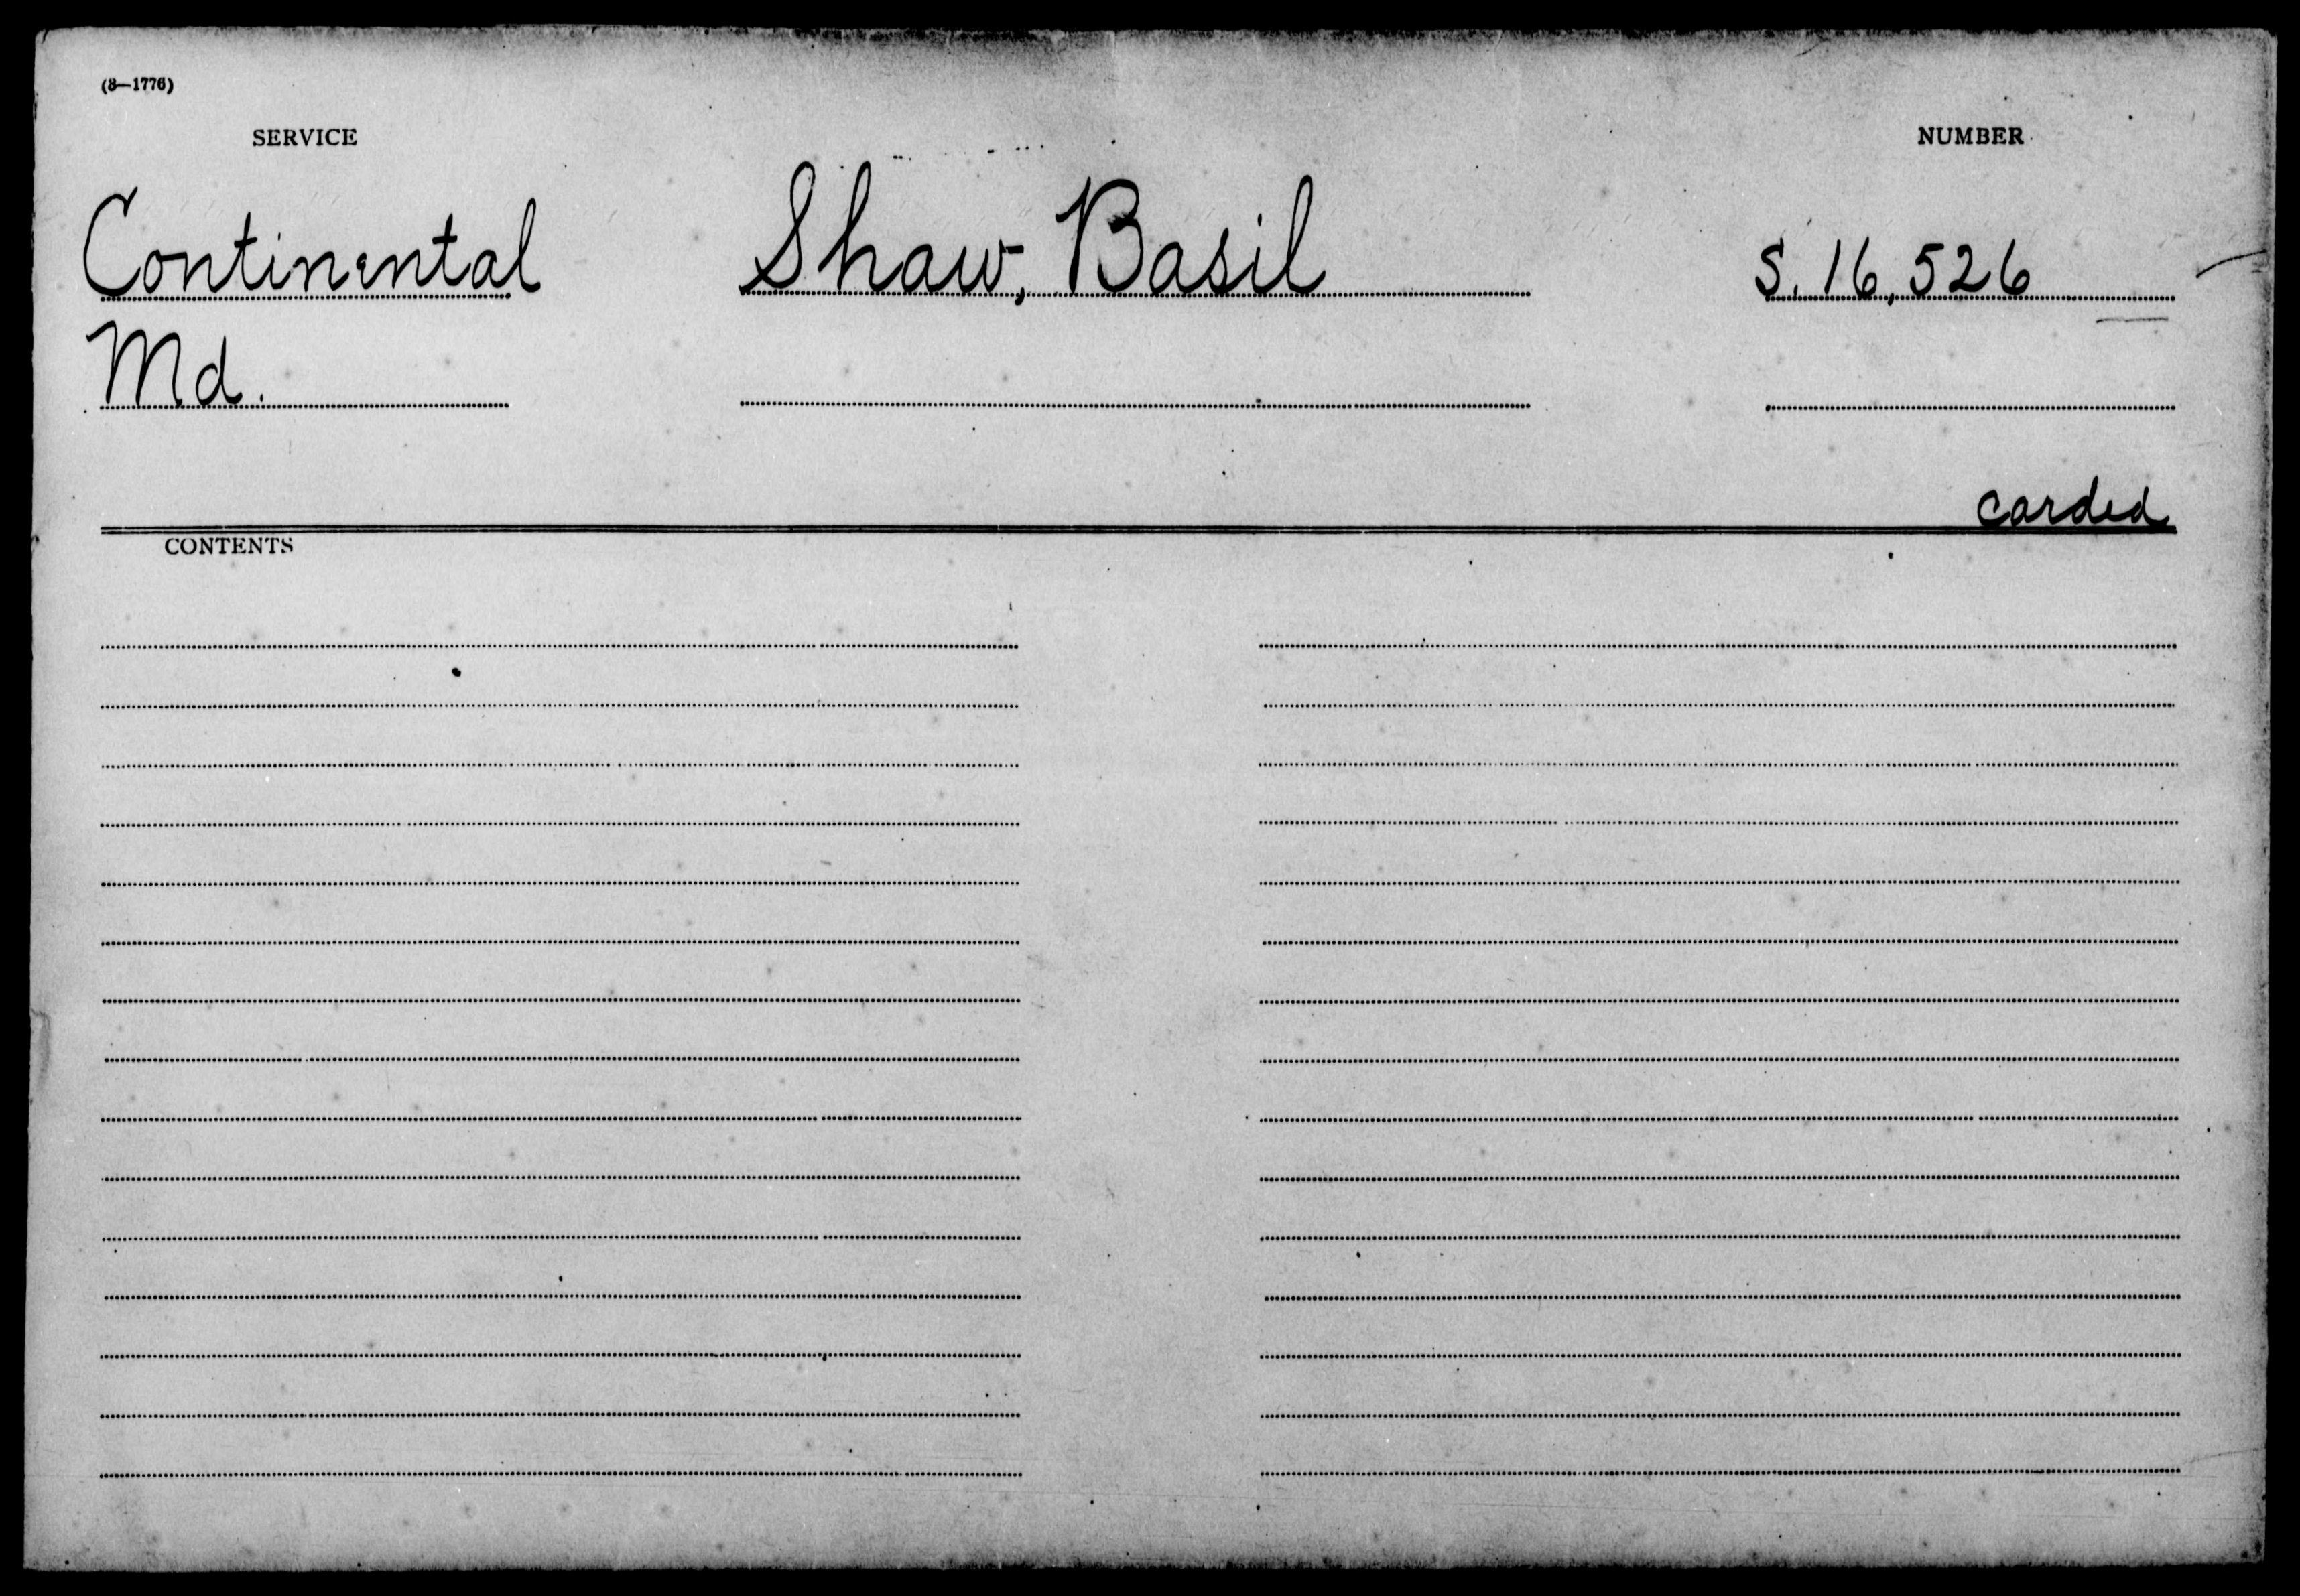(3-1776)

SERVICE | | NUMBER
Continental | Shaw, Basil | S. 16,526
Md. | | 

carded

CONTENTS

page: 1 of 32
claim: survivor's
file: S. 16,526, for Basil Shaw, Maryland